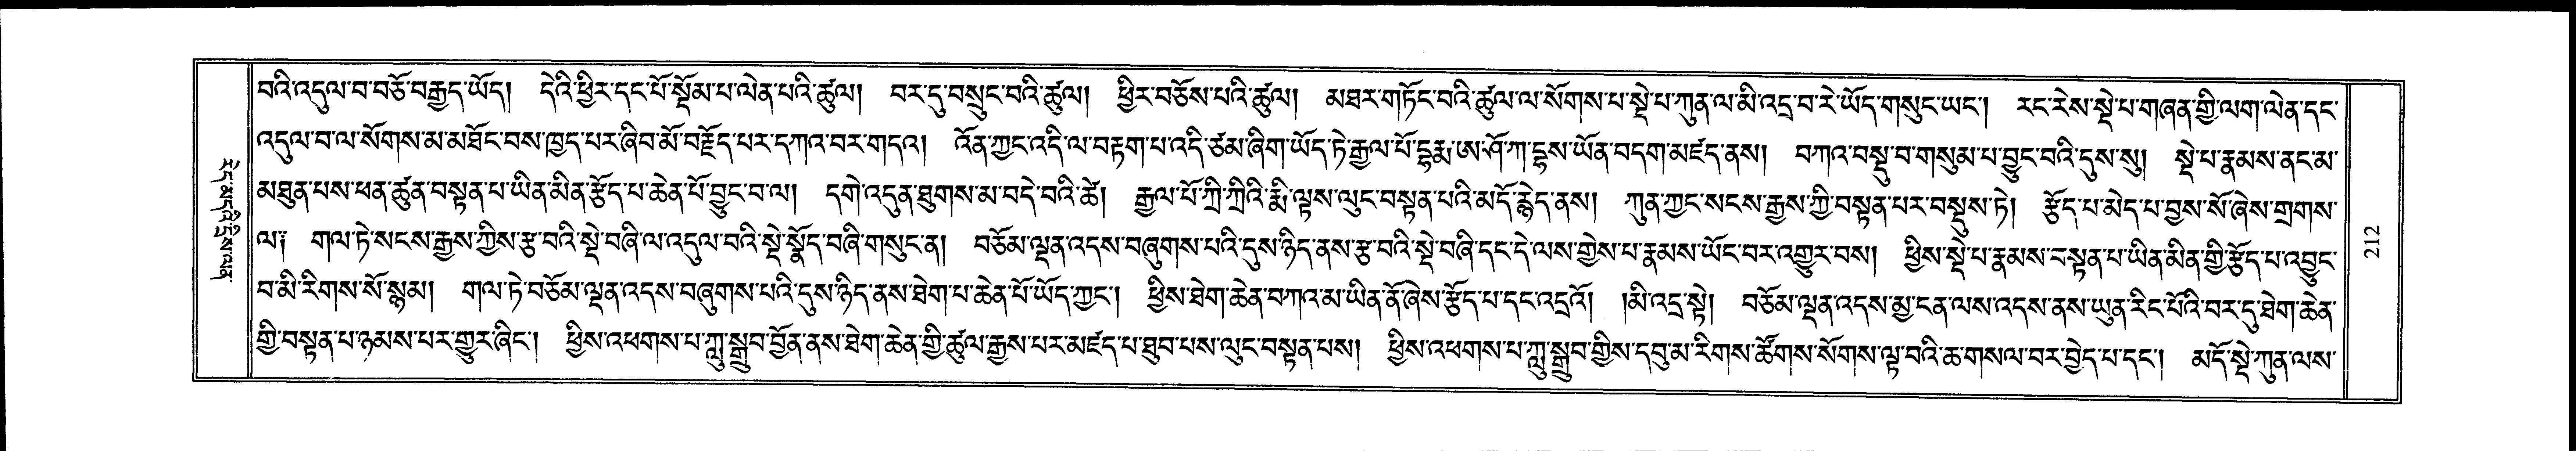བའི་འདུལ་བ་བཅོ་བརྒྱད་ཡོད། དེའི་ཕྱིར་དང་པོ་སྡོམ་པ་ལེན་པའི་ཚུལ། བར་དུ་བསྲུང་བའི་ཚུལ། ཕྱིར་བཅོས་པའི་ཚུལ། མཐར་གཏོང་བའི་ཚུལ་ལ་སོགས་པ་སྡེ་པ་ཀུན་ལ་མི་འདྲ་བ་རེ་ཡོད་གསུང་ཡང་། རང་རེས་སྡེ་པ་གཞན་གྱི་ལག་ལེན་དང་
འདུལ་བ་ལ་སོགས་མ་མཐོང་བས་ཁྱད་པར་ཞིབ་མོ་བརྗོད་པར་དཀའ་བར་གདའ། འོན་ཀྱང་འདི་ལ་བརྟག་པ་འདི་ཙམ་ཞིག་ཡོད་ཏེ་རྒྱལ་པོ་དྷ་རྨ་ཨ་ཤོ་ཀ་དྷས་ཡོན་བདག་མཛད་ནས། བཀའ་བསྡུ་བ་གསུམ་པ་བྱུང་བའི་དུས་སུ། སྡེ་པ་རྣམས་ནང་མ་
མཐུན་པས་ཕན་ཚུན་བསྟན་པ་ཡིན་མིན་རྩོད་པ་ཆེན་པོ་བྱུང་བ་ལ། དགེ་འདུན་ཐུགས་མ་བདེ་བའི་ཚེ། རྒྱལ་པོ་ཀྲི་ཀྲིའི་རྨི་ལྟས་ལུང་བསྟན་པའི་མདོ་རྙེད་ནས། ཀུན་ཀྱང་སངས་རྒྱས་ཀྱི་བསྟན་པར་བསྡུས་ཏེ། རྩོད་པ་མེད་པ་བྱས་སོ་ཞེས་གྲགས་
ལ། གལ་ཏེ་སངས་རྒྱས་ཀྱིས་རྩ་བའི་སྡེ་བཞི་ལ་འདུལ་བའི་སྡེ་སྣོད་བཞི་གསུང་ན། བཅོམ་ལྡན་འདས་བཞུགས་པའི་དུས་ཉིད་ནས་རྩ་བའི་སྡེ་བཞི་དང་དེ་ལས་གྱེས་པ་རྣམས་ཡོང་བར་འགྱུར་བས། ཕྱིས་སྡེ་པ་རྣམས་བསྟན་པ་ཡིན་མིན་གྱི་རྩོད་པ་འབྱུང་
བ་མི་རིགས་སོ་སྙམ། གལ་ཏེ་བཅོམ་ལྡན་འདས་བཞུགས་པའི་དུས་ཉིད་ནས་ཐེག་པ་ཆེན་པོ་ཡོད་ཀྱང་། ཕྱིས་ཐེག་ཆེན་བཀའ་མ་ཡིན་ནོ་ཞེས་རྩོད་པ་དང་འདྲའོ། །མི་འདྲ་སྟེ། བཅོམ་ལྡན་འདས་མྱ་ངན་ལས་འདས་ནས་ཡུན་རིང་པོའི་བར་དུ་ཐེག་ཆེན་
གྱི་བསྟན་པ་ཉམས་པར་གྱུར་ཞིང་། ཕྱིས་འཕགས་པ་ཀླུ་སྒྲུབ་བྱོན་ནས་ཐེག་ཆེན་གྱི་ཚུལ་རྒྱས་པར་མཛད་པ་ཐུབ་པས་ལུང་བསྟན་པས། ཕྱིས་འཕགས་པ་ཀླུ་སྒྲུབ་གྱིས་དབུ་མ་རིགས་ཚོགས་སོགས་ལྟ་བའི་ཆ་གསལ་བར་བྱེད་པ་དང་། མདོ་སྡེ་ཀུན་ལས་